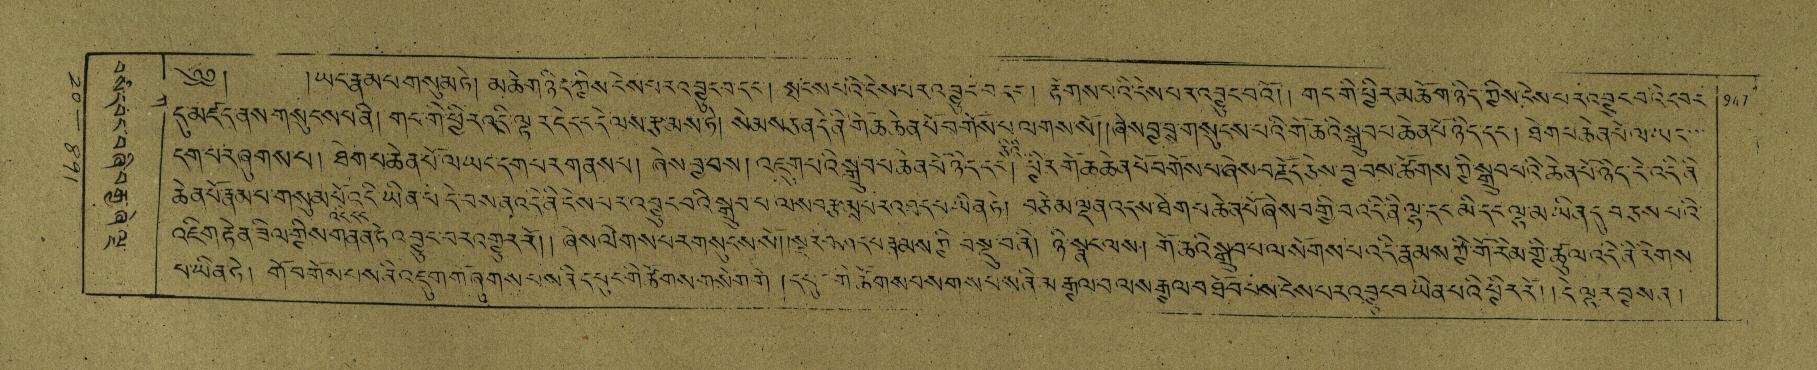༄༅། །ཡང་རྣམ་པ་གསུམ་ཏེ། མཆོག་ཉིད་ཀྱིས་ངེས་པར་འབྱུང་བ་དང་། སྤངས་པའི་ངེས་པར་འབྱུང་བ་དང་། རྟོགས་པའི་ངེས་པར་འབྱུང་བའོ། །གང་གི་ཕྱིར་མཆོག་ཉིད་ཀྱིས་ངེས་པར་འབྱུང་བའི་དབང་
དུ་མཛད་ནས་གསུངས་པ་ནི། གང་གི་ཕྱིར་འདི་ལྟར་དེ་དང་དེ་ལས་རྩམས་ཏེ། སེམས་ཅན་དེ་ནི་གོ་ཆ་ཆེན་པོ་བགོས་པ་ལགས་སོ། །ཞེས་བྱ་བས་གསུངས་པའི་གོ་ཆའི་སྒྲུབ་པ་ཆེན་པོ་ཉིད་དང་། ཐེག་པ་ཆེན་པོ་ལ་ཡང་
དག་པར་ཞུགས་པ། ཐེག་པ་ཆེན་པོ་ལ་ཡང་དག་པར་གནས་པ། ཞེས་བྱ་བས། འཇུག་པའི་སྒྲུབ་པ་ཆེན་པོ་ཉིད་དང་། ཅིའི་ཕྱིར་གོ་ཆ་ཆེན་པོ་བགོས་པ་ཞེས་བརྗོད་ཅེས་བྱ་བས་ཚོགས་ཀྱི་སྒྲུབ་པའི་ཆེན་པོ་ཉིད་དེ་འདི་ནི་
ཆེན་པོ་རྣམ་པ་གསུམ་པོ་འདི་ཡིན་པ་དེ་བས་ན་འདི་ནི་ངེས་པར་འབྱུང་བའི་སྒྲུབ་པ་ལས་བརྩམས་པར་འཐད་པ་ཡིན་ཏེ། བཅོམ་ལྡན་འདས་ཐེག་པ་ཆེན་པོ་ཞེས་བགྱི་བ་འདི་ནི་ལྷ་དང་མི་དང་ལྷ་མ་ཡིན་དུ་བཅས་པའི་
འཇིག་རྟེན་ཟིལ་གྱིས་འདི་དང་གནས་ཏེ་འབྱུང་བར་འགྱུར་རོ། །ཞེས་ལེགས་པར་གསུངས་སོ། །སྔར་བཤད་པ་རྣམས་ཀྱི་བསྡུ་བ་ནི། ཉི་སྣང་ལས། གོ་ཆའི་སྒྲུབ་པ་ལ་སོགས་པ་འདི་རྣམས་ཀྱི་གོ་རིམ་གྱི་ཚུལ་འདི་ནི་རིགས་
པ་ཡིན་ཏེ། གོ་བགོས་པས་ནི་འཇུག་གོ་ཞུགས་པས་ནི་དཔུང་གི་ཚོགས་གསོག་གོ །དཔུང་གི་ཚོགས་བསགས་པས་ནི་མ་རྒྱལ་བ་ལས་རྒྱལ་བ་ཐོབ་པས་ངེས་པར་འབྱུང་བ་ཡིན་པའི་ཕྱིར་རོ། །དེ་ལྟར་བྱས་ན།